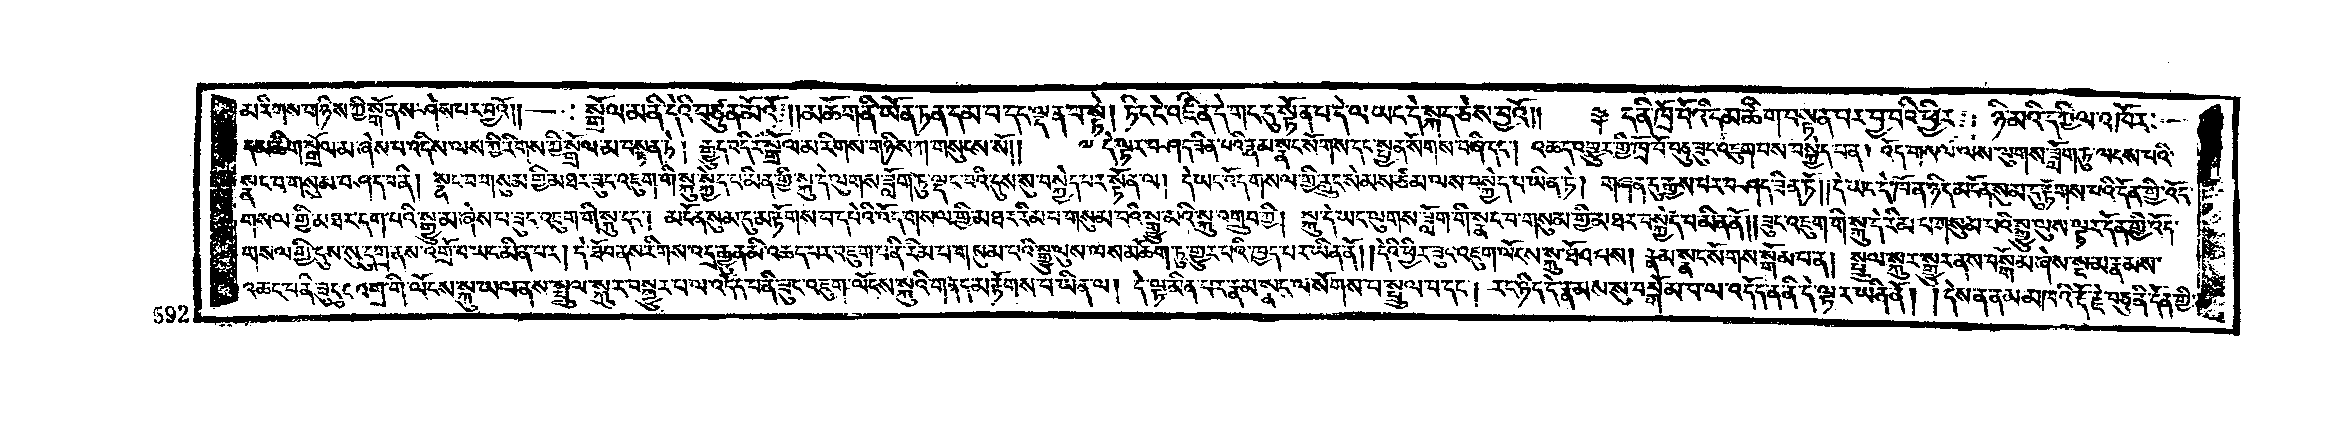མ་རིགས་གཉིས་ཀྱི་སྒོ་ནས་ཤེས་པར་བྱའོ།། .H སྒྲོལ་མ་ནི་དེའི་བཙུན་མའོ། །མཆོག་ནི་ཡོན་ཏན་དམ་པ་དང་ལྡན་པ་སྟེ། ཏིང་ངེ་འཛིན་དེ་གང་དུ་སྟོན་པ་དེ་ལ་ཡང་དེ་སྐད་ཅེས་བྱའོ།། ༈ དེ་ནི་ཁྲོ་བོའི་དམ་ཚིག་བསྟན་པར་བྱ་བའི་ཕྱིར། །ཉི་མའི་དཀྱིལ་འཁོར་H.
དམ་ཚིག་སྒྲོལ་མ་ཞེས་པ་འདིས་ལས་ཀྱི་རིགས་ཀྱི་སྒྲོལ་མ་བསྟན་ཏེ། རྒྱུད་འདིར་སྒྲོལ་མ་རིགས་གཉིས་ཀ་གསུངས་སོ།། ༧དེ་ལྟར་བཤད་ཟིན་པའི་རྣམ་སྣང་སོགས་དང་སྤྱན་སོགས་བཞི་དང་། འཆད་འགྱུར་གྱི་ཁྲོ་བོ་བཅུ་ཟུང་འཇུག་པས་བསྐྱེད་པ་ན། འོད་གསལ་ལས་ལུགས་ཟློག་ཏུ་ལངས་པའི་
སྣང་བ་གསུམ་བཤད་པ་ནི། སྣང་བ་གསུམ་གྱི་མཐར་ཟུང་འཇུག་གི་སྐུ་སྐྱེད་པ་མིན་གྱི་སྐུ་དེ་ལུགས་ཟློག་ཏུ་ལྡང་བའི་དུས་སུ་བསྐྱེད་པར་སྟོན་ལ། དེ་ཡང་འོད་གསལ་གྱི་རླུང་སེམས་ཙམ་ལས་བསྐྱེད་པ་ཡིན་ཏེ། གཞན་དུ་རྒྱས་པར་བཤད་ཟིན་ཏོ། །དེ་ཡང་དེ་ཁོ་ན་ཉིད་མངོན་སུམ་དུ་རྟོགས་པའི་དོན་གྱི་འོད་
གསལ་གྱི་མཐར་དག་པའི་སྒྱུ་མ་ཞེས་པ་ཟུང་འཇུག་གི་སྐུ་དང་། མངོན་སུམ་དུ་མ་རྟོགས་པ་དཔེའི་འོད་གསལ་གྱི་མཐར་རིམ་པ་གསུམ་པའི་སྒྱུ་མའི་སྐུ་འགྲུབ་ཀྱི། སྐུ་དེ་ཡང་ལུགས་ཟློག་གི་སྣང་བ་གསུམ་གྱི་མཐར་བསྐྱེད་པ་མིན་ནོ། །ཟུང་འཇུག་གི་སྐུ་དེ་རིམ་པ་གསུམ་པའི་སྒྱུ་ལུས་ལྟར་དོན་གྱི་འོད་
གསལ་གྱི་དུས་སུ་དག་ནས་འགྲོ་བ་ཡང་མིན་པར། དེ་ཐོབ་ནས་རིགས་འདྲ་རྒྱུན་མི་འཆད་པར་འཇུག་པ་ནི་རིམ་པ་གསུམ་པའི་སྒྱུ་ལུས་ལས་མཆོག་ཏུ་གྱུར་པའི་ཁྱད་པར་ཡིན་ནོ། །དེའི་ཕྱིར་ཟུང་འཇུག་ལོངས་སྐུ་ཐོབ་པས། རྣམ་སྣང་སོགས་སྒོམ་པ་ན། སྤྲུལ་སྐུར་སྒྱུར་ནས་བསྒོམ་ཞེས་སྔ་མ་རྣམས་
འཆང་བ་ནི་ཟུང་འཇུག་གི་ལོངས་སྐུ་ཡལ་ནས་སྤྲུལ་སྐུར་བསྒྱུར་པ་ལ་འདོད་པ་ནི་ཟུང་འཇུག་ལོངས་སྐུའི་གནད་མ་རྟོགས་པ་ཡིན་ལ། དེ་ལྟ་མིན་པར་རྣམ་སྣང་ལ་སོགས་པ་སྤྲུལ་པ་དང་། རང་ཉིད་དེ་རྣམས་སུ་བསྒོམ་པ་ལ་འདོད་ན་ནི་དེ་ལྟར་ཡིན་ནོ། །དེས་ན་ནམ་མཁའི་རྡོ་རྗེ་བཅུ་ནི་དོན་གྱི་